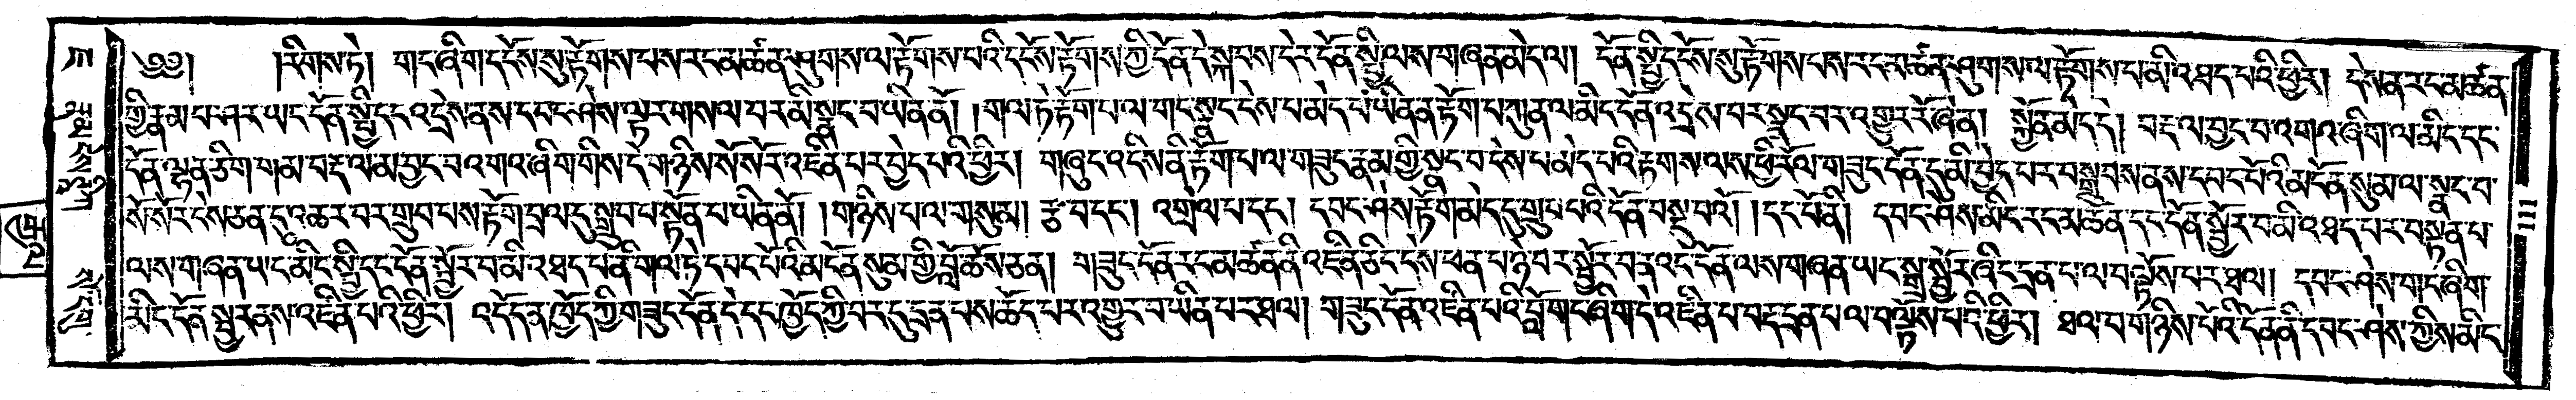༄༅། །རིགས་ཏེ། གང་ཞིག་དངོས་སུ་རྟོགས་པས་རང་མཚན་ཤུགས་ལ་རྟོགས་པའི་དངོས་རྟོགས་ཀྱི་དོན་དེ་སྐབས་དེར་དོན་སྤྱི་ལས་གཞན་མེད་ལ། དོན་སྤྱི་དངོས་སུ་རྟོགས་པས་རང་མཚན་ཤུགས་ལ་རྟོགས་པ་མི་འཐད་པའི་ཕྱིར། དེས་ན་རང་མཚན་
གྱི་རྣམ་པ་ཤར་ཡང་དོན་སྤྱི་དང་འདྲེས་ནས་དབང་ཤེས་ལྟར་གསལ་བར་མི་སྣང་བ་ཡིན་ནོ། །གལ་ཏེ་རྟོག་པ་ལ་གང་སྣང་ངེས་པ་མེད་པ་ཡིན་ན་རྟོག་པ་ཀུན་ལ་མིང་དོན་འདྲེས་པར་སྣང་བར་འགྱུར་རོ་ཞེ་ན། སྐྱོན་མེད་དེ། བརྡ་ལ་བྱང་བ་འགའ་ཞིག་ལ་མིང་དང་
དོན་ལྷན་ཅིག་གམ་བརྡ་ལ་མ་བྱང་བ་འགའ་ཞིག་གིས་དེ་གཉིས་སོ་སོར་འཛིན་པར་བྱེད་པའི་ཕྱིར། གཞུང་འདིས་ནི་རྟོག་པ་ལ་གཟུང་རྣམ་གྱི་སྣང་བ་ངེས་པ་མེད་པའི་རྟགས་ལས་ཕྱི་རོལ་གཟུང་དོན་དུ་མི་བྱེད་པར་བསྒྲུབས་ནས་དབང་པོའི་མངོན་སུམ་ལ་སྣང་བ་
སོ་སོར་ངེས་ཅན་དུ་འཆར་བར་གྲུབ་པས་རྟོག་བྲལ་དུ་སྒྲུབ་པ་སྟོན་པ་ཡིན་ནོ། །གཉིས་པ་ལ་གསུམ། རྩ་བ་དང་། འགྲེལ་པ་དང་། དབང་ཤེས་རྟོག་མེད་དུ་གྲུབ་པའི་དོན་བསྡུ་པའོ། །དང་པོ་ནི། དབང་ཤེས་མིང་རང་མཚོན་དང་དོན་སྦྱོར་བ་མི་འཐད་པར་བསྟན་པ་
ལས་གཞན་ཡང་མིང་སྤྱི་དང་དོན་སྦྱོར་བ་མི་འཐད་པ་ནི་གལ་ཏེ་དབང་པོའི་མངོན་སུམ་གྱི་བློ་ཆོས་ཅན། གཟུང་དོན་རང་མཚན་ནི་འཛིན་ཅིང་དེས་ཕན་པ་ཉེ་བར་སྦྱོར་བ་ནའང་དོན་ལས་གཞན་ཡང་སྒྲ་སྦྱོར་ཞིང་དྲན་པ་ལ་བལྟོས་པར་ཐལ། དབང་ཤེས་གང་ཞིག་
མིང་དོན་སྦྱར་ནས་འཛིན་པའི་ཕྱིར། འདོད་ན་ཁྱོད་ཀྱི་གཟུང་དོན་དེ་དང་ཁྱོད་ཀྱི་བར་དུ་དྲན་པས་ཆོད་པར་འགྱུར་བ་ཡིན་པར་ཐལ། གཟུང་དོན་འཛིན་པའི་བློ་གང་ཞིག་དེ་འཛིན་པ་བརྡ་དྲན་པ་ལ་བལྟོས་པའི་ཕྱིར། ཐལ་བ་གཉིས་པོའི་དོན་ནི་དབང་ཤེས་ཀྱིས་མིང་